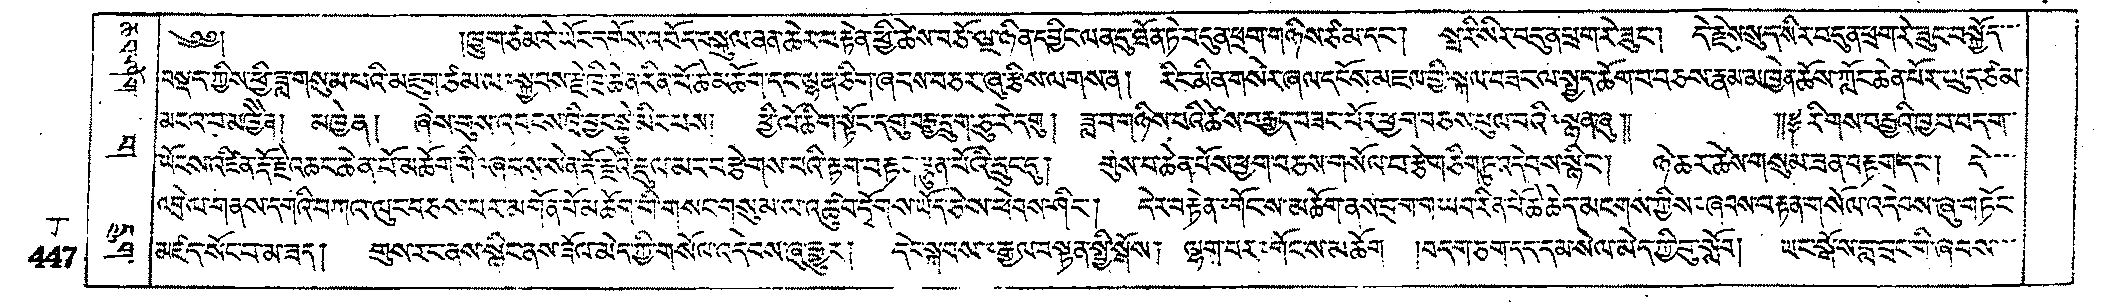༄༅། །ཁྱུག་ཙམ་རེ་ཡོང་དགོས་འབོད་བསྐུལ་ནན་ཆེར་བརྟེན་ཕྱི་ཚེས་བཅོ་ལྔ་ཉིན་དབྱིང་ལན་དུ་ཐོན་ཏེ་བདུན་ཕྲག་གཉིས་ཙམ་དང་། སྤ་རི་སིར་བདུན་ཕྲག་རེ་ཟུང་། དེ་རྗེས་སུད་སིར་བདུན་ཕྲག་རེ་ཟུང་བསྐྱོད་་་
བསྡད་ཀྱིས་ཕྱི་ཟླ་གསུམ་པའི་མཇུག་ཙམ་ལ ༧སྐྱབས་རྗེ་ཁྲི་ཆེན་རིན་པོ་ཆེ་མཆོག་དང་ལྷན་ཅིག་ཞབས་བཅར་ཞུ་རྩིས་ལགས་ན། རིང་མིན་གསེར་ཞལ་དངོས་མཇལ་གྱི་སྐལ་བཟང་ལ་སྤྱད་ཆོག་པ་བཅས་རྣམ་མཁྱེན་ཆོས་ཀློང་ཆེན་པོར་ཡུད་ཙམ་
མངའ་བ་མཁྱཻཨེན། མཁྱེན། ཞེས་གུས་འབངས་ཁྲི་བྱང་སྐྱེ་མིང་པས། ཕྱི་ལོ་ཆིག་སྟོང་དགུ་བརྒྱ་དྲུག་ཅུ་རེ་དགུ། ཟླ་བ་གཉིས་པའི་ཚེས་བརྒྱད་བཟང་པོར་ཕྱག་བཅས་ཕུལ་བའི་སྙན་ཞུ།། །།འྲིགས་བརྒྱའི་ཁྱབ་བདག་་་
ཡོངས་འཛིན་རྡོ་རྗེ་འཆང་ཆེན་པོ་མཆོག་གི་ཞབས་སེན་རྡོ་རྗེའི་རྡུལ་མང་བརྩེགས་པའི་རྟག་བརྟན་ལྷུན་པོའི་དྲུང་དུ། གུས་པ་ཆེན་པས་ཕྱག་བཅས་གསོལ་བ་རྩེ་གཅིག་ཏུ་འདེབས་སྙིང་། ཉེ་ཆར་ཚེས་གསུམ་ཟན་བརྟག་དང་། དེ་་་
འབྲེལ་གནས་དགའི་བཀའ་ལུང་བཅས་པར་མགོན་པོ་མཆོག་གི་གསང་གསུམ་ལ་འཚུབ་དྭོགས་ཡོད་ཅེས་ཕེབས་ཤིང་། དེར་བརྟེན ༧གོང་ས་མཆོག་ནས་བྲག་གཡབ་རིན་པོ་ཆེ་ཆེད་མངགས་ཀྱིས ༧ཞབས་བརྟན་གསོལ་འདེབས་ཞུ་གཏོང་
མཛད་སོང་བ་མ་ཟད། གུས་རང་ནས་སྙིང་ནས་ཟོལ་མེད་ཀྱི་གསོལ་འདེབས་ཞུ་རྒྱུར། དེང་སྐབས་རྒྱལ་བསྟན་སྤྱི་སྒོས། ལྷག་པར ༧གོང་ས་མཆོག །བདག་ཅག་དད་དམ་སེལ་མེད་ཀྱི་བུ་སློབ། ཡང་སྒོས་བླ་བྲང་གི་ཞབས་་་